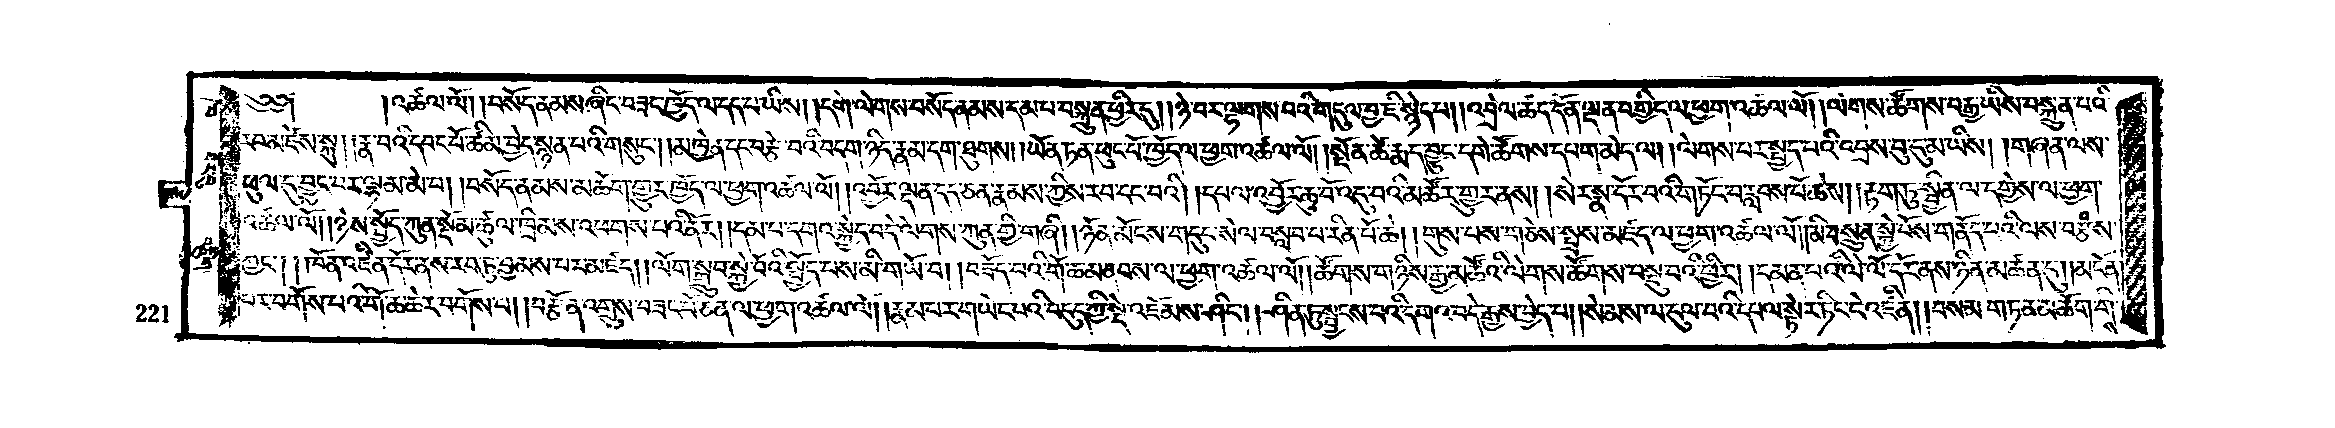༄༅། །འཚལ་ལོ། །བསོད་ནམས་ཞིང་བཟང་ཁྱོད་ལ་དད་པ་ཡིས། །དགེ་ལེགས་བསོད་ནམས་དམ་པ་བསྐྲུན་ཕྱིར་དུ། །ཉེ་བར་ལྷགས་པའི་གདུལ་བྱ་ཇི་སྙེད་པ། །འབྲེལ་ཚད་དོན་ལྡན་བགྱིད་ལ་ཕྱག་འཚལ་ལོ། །ལེགས་ཚོགས་བརྒྱ་ཡིས་བསྐྲུན་པའི་
རབ་མཛེས་སྐུ། །རྣ་བའི་དབང་པོ་ཚིམ་བྱེད་སྙན་པའི་གསུང་། །མཁྱེན་དང་བརྩེ་བའི་བདག་ཉིད་རྣམ་དག་ཐུགས། །ཡོན་ཏན་ཕུང་པོ་ཁྱོད་ལ་ཕྱག་འཚལ་ལོ། །སྔོན་ཚེ་རྨད་བྱུང་དགེ་ཚོགས་དཔག་མེད་ལ། །ལེགས་པར་སྤྱད་པའི་འབྲས་བུ་དུ་མ་ཡིས། །གཞན་ལས་
ཕུལ་དུ་བྱུང་བར་ལྷམ་མེ་བ། །བསོད་ནམས་མཆོག་གྱུར་ཁྱོད་ལ་ཕྱག་འཚལ་ལོ། །འབྱོར་ལྡན་དད་ཅན་རྣམས་ཀྱིས་རབ་དང་བའི། །དཔལ་འབྱོར་ཆུ་བོ་འདུ་བའི་མཚོར་གྱུར་ནས། །སེར་སྣ་དོར་བའི་གཏོང་བ་རླབས་པོ་ཆེས། །རྟག་ཏུ་སྦྱིན་ལ་དགྱེས་ལ་ཕྱག་
འཚལ་ལོ། །ཉེས་སྤྱོད་ཀུན་སྡོམ་ཚུལ་ཁྲིམས་འཕགས་པའི་ནོར། །དམ་པ་དགའ་སྐྱེད་བདེ་ལེགས་ཀུན་གྱི་གཞི། །ཉོན་མོངས་གདུང་སེལ་བསླབ་པ་རིན་པོ་ཆེ། །གུས་པས་གཅེས་སྤྲས་མཛད་ལ་ཕྱག་འཚལ་ལོ། །མི་བསྲུན་སྐྱེ་པོས་གནོད་པའི་ལས་བརྩམས་
ཀྱང་། །ཁོ་ན་འཛིན་དོར་ནས་རབ་ཏུ་བྱམས་པར་མཛད། །ལོག་སྒྲུབ་སྐྱེ་བོའི་སྤྱོད་པས་མི་གཡོ་བ། །བཟོད་པའི་གོ་ཆ་མནབས་ལ་ཕྱག་འཚལ་ལོ། །ཚོགས་གཉིས་རྒྱ་མཚོའི་ལེགས་ཚོགས་བསྡུ་བའི་ཕྱིར། །དམན་པའི་ལེ་ལོ་དོར་ནས་ཉིན་མཚན་དུ། །མངོན་
པར་བགོས་པའི་གོ་ཆ་ཆེར་བགོས་པ། །བརྩོན་འགྲུས་བཟང་པོ་ཅན་ལ་ཕྱག་འཚལ་ལོ། །རྣམ་པར་གཡེང་པའི་བདུད་ཀྱི་སྡེ་འཇོམས་ཤིང་། །ཤིན་ཏུ་སྦྱངས་པའི་དགའ་བདེ་རྒྱས་བྱེད་པ། །སེམས་ལ་དུལ་བའི་དཔལ་སྟེར་ཏིང་ངེ་འཛིན། །བསམ་གཏན་མཆོག་གིས་